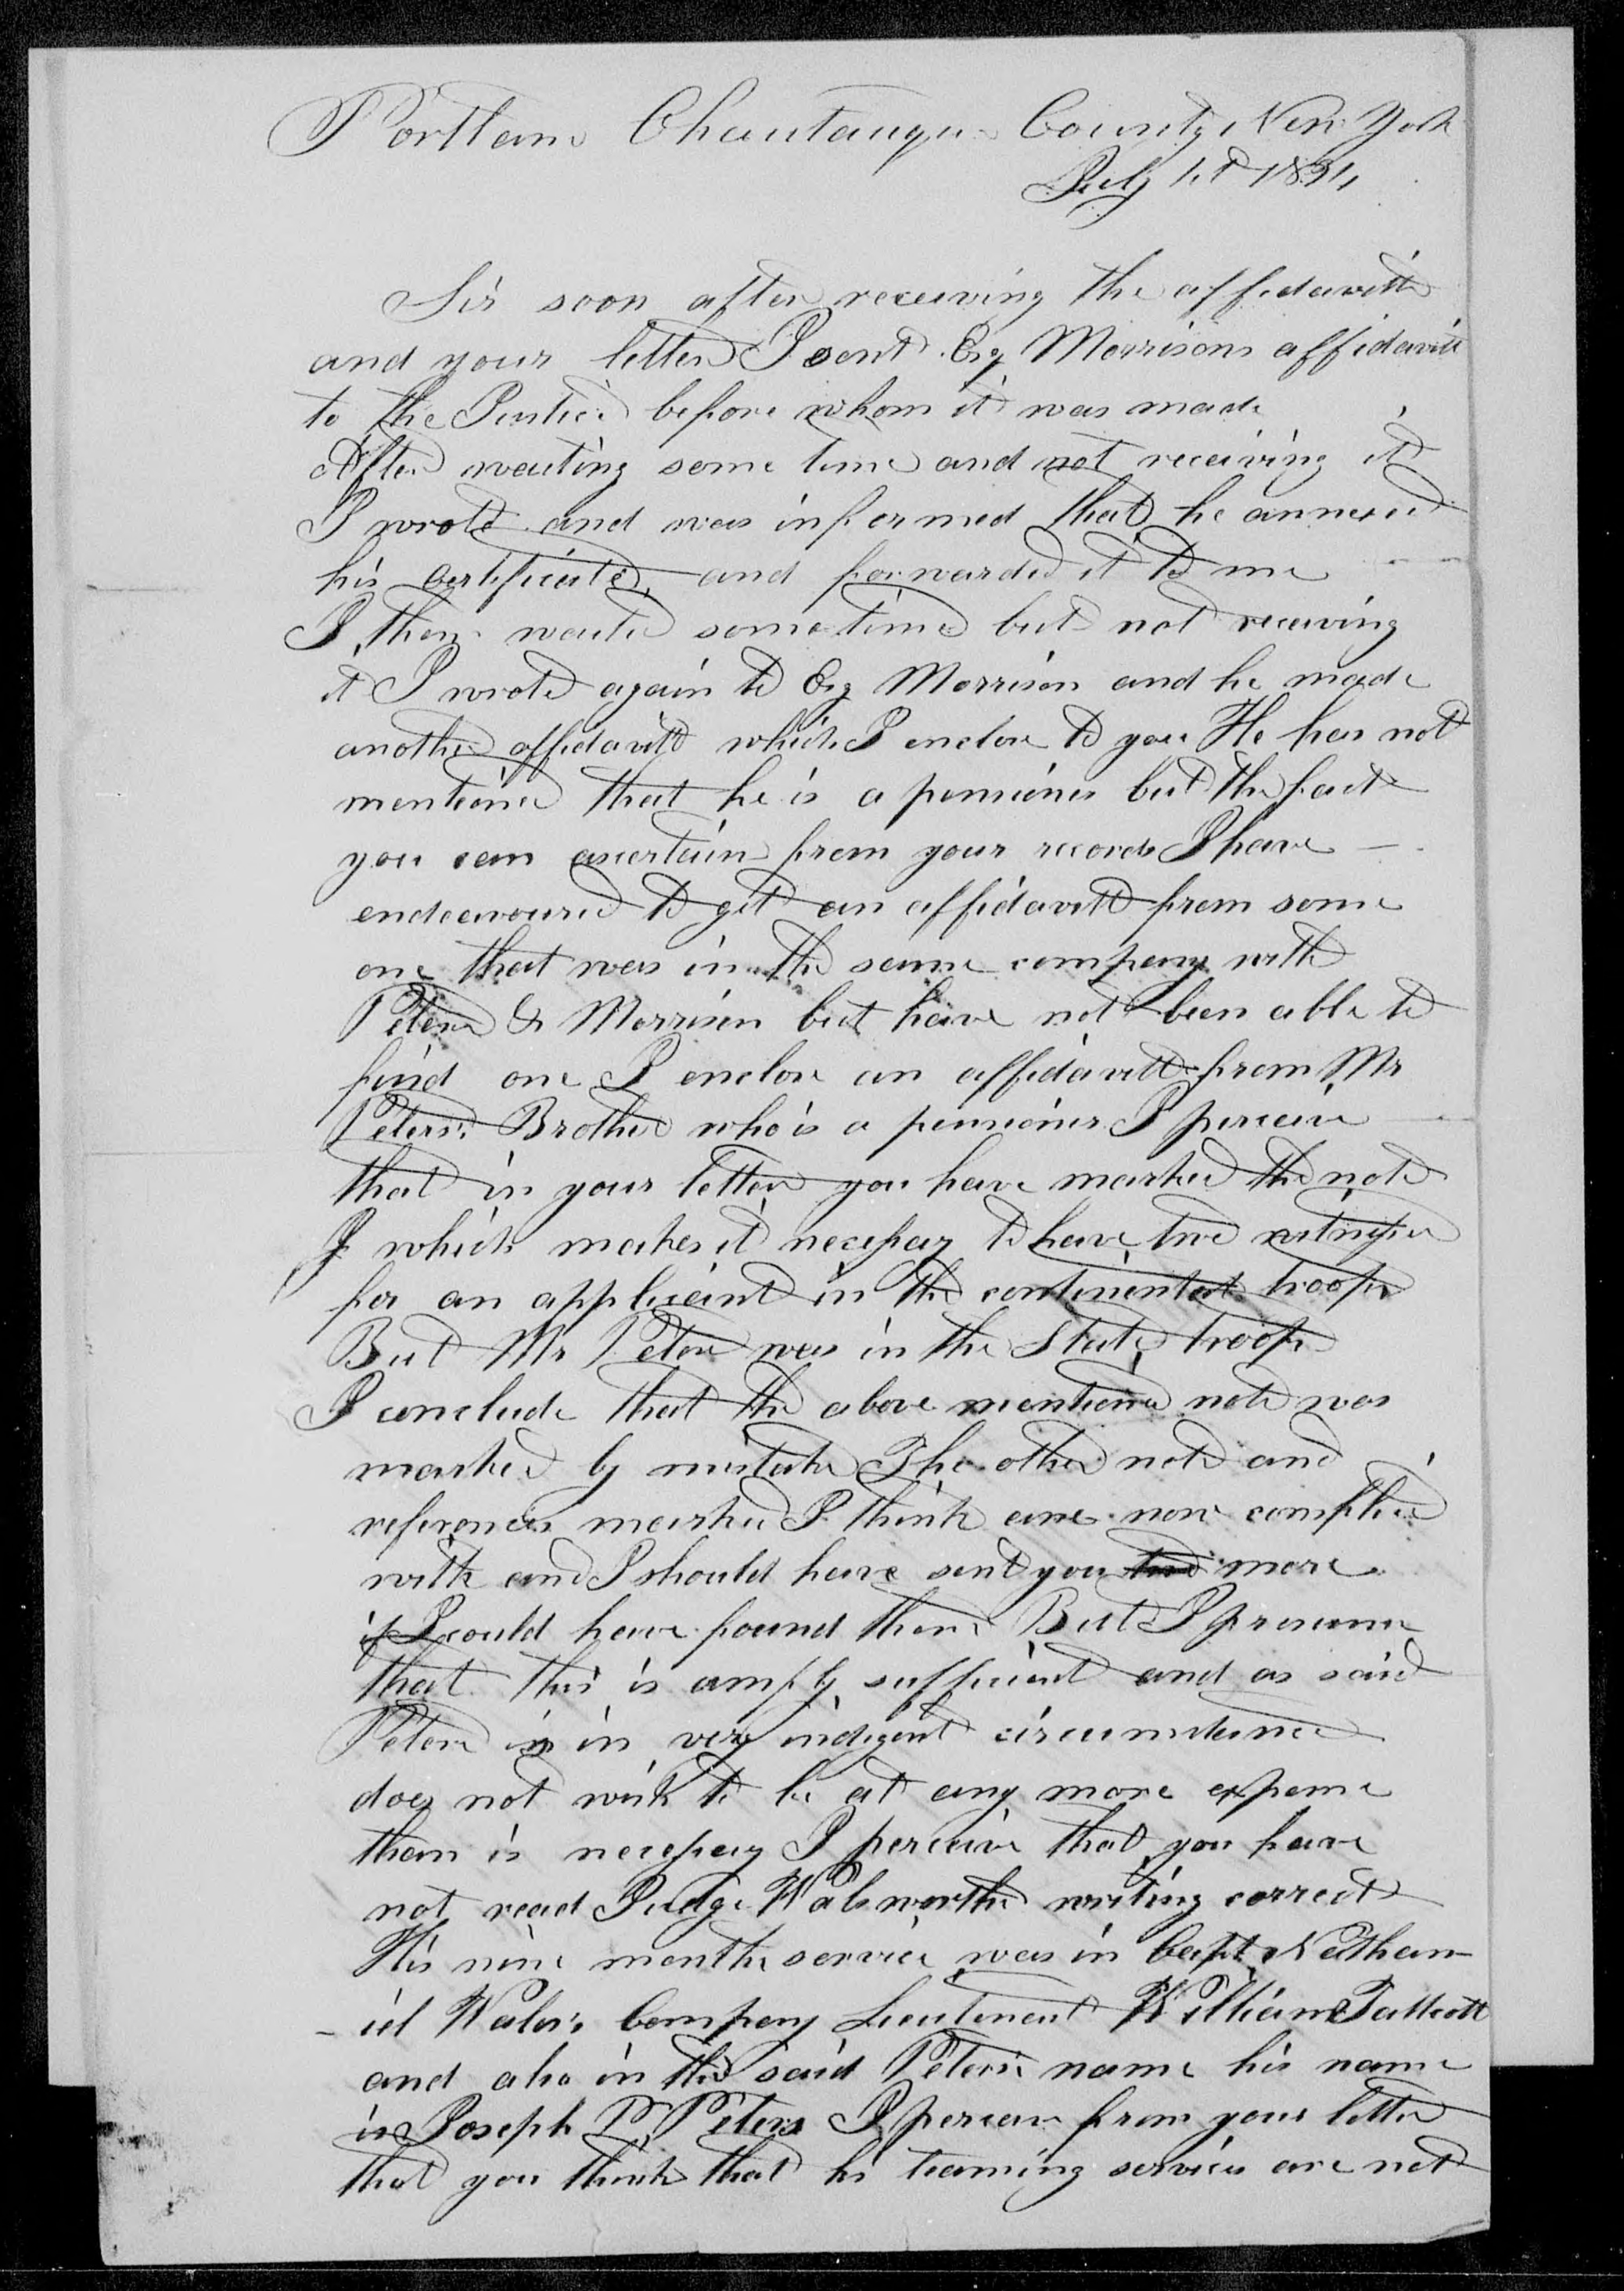Portland Chautauqua County New York July 1 1831
Sir   soon after receiving the affidavit and your letter I sent Esq Morrisons affidavit to the Justice before whom it was made After waiting some time and not receiving it I wrote and was informed that he annexed his certificate and forwarded it to me.  I then waited some time but not receiving wrote again to E Morrison and he made another affidavit which I enclose to you.  He has not mentioned that he is a pensioner but the fact you can ascertain from your records.  I have endeavoured to get an affidavitt from some one that was in the same company with Peters & Morrison but have not been able to find one.   I enclose an affidavit from Mr Peters Brother who is a pensioner,  I perceive that in your letter you have marked the note which makes it necessary to have two witness for an applicant in the continental troops But Mr Peters was in the State troops. I conclude that the above mentioned note was marked by mistake the other note and reference mark I think and now complied with and I should have sent you two more if I could have found them.  But I [unreadable] that this is amply sufficient and as said Peter is in very indigent circumstances does not wish to be at any more expence than is necessary I perceive that you have not read Judge Walworth writing correct his nine months service was in Capt Nathaniel Wales Company, Lieutenant William Tallcott and also in the said Peters name his name is Joseph P Peters.  I presume from your letter that you think that his teaming services are not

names: [BLANK] Morrison; William Tallcott; [BLANK] Walsworth; Joseph P Peters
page: 64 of 73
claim: widow's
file: W. 2338, for Joseph P Peters, Connecticut